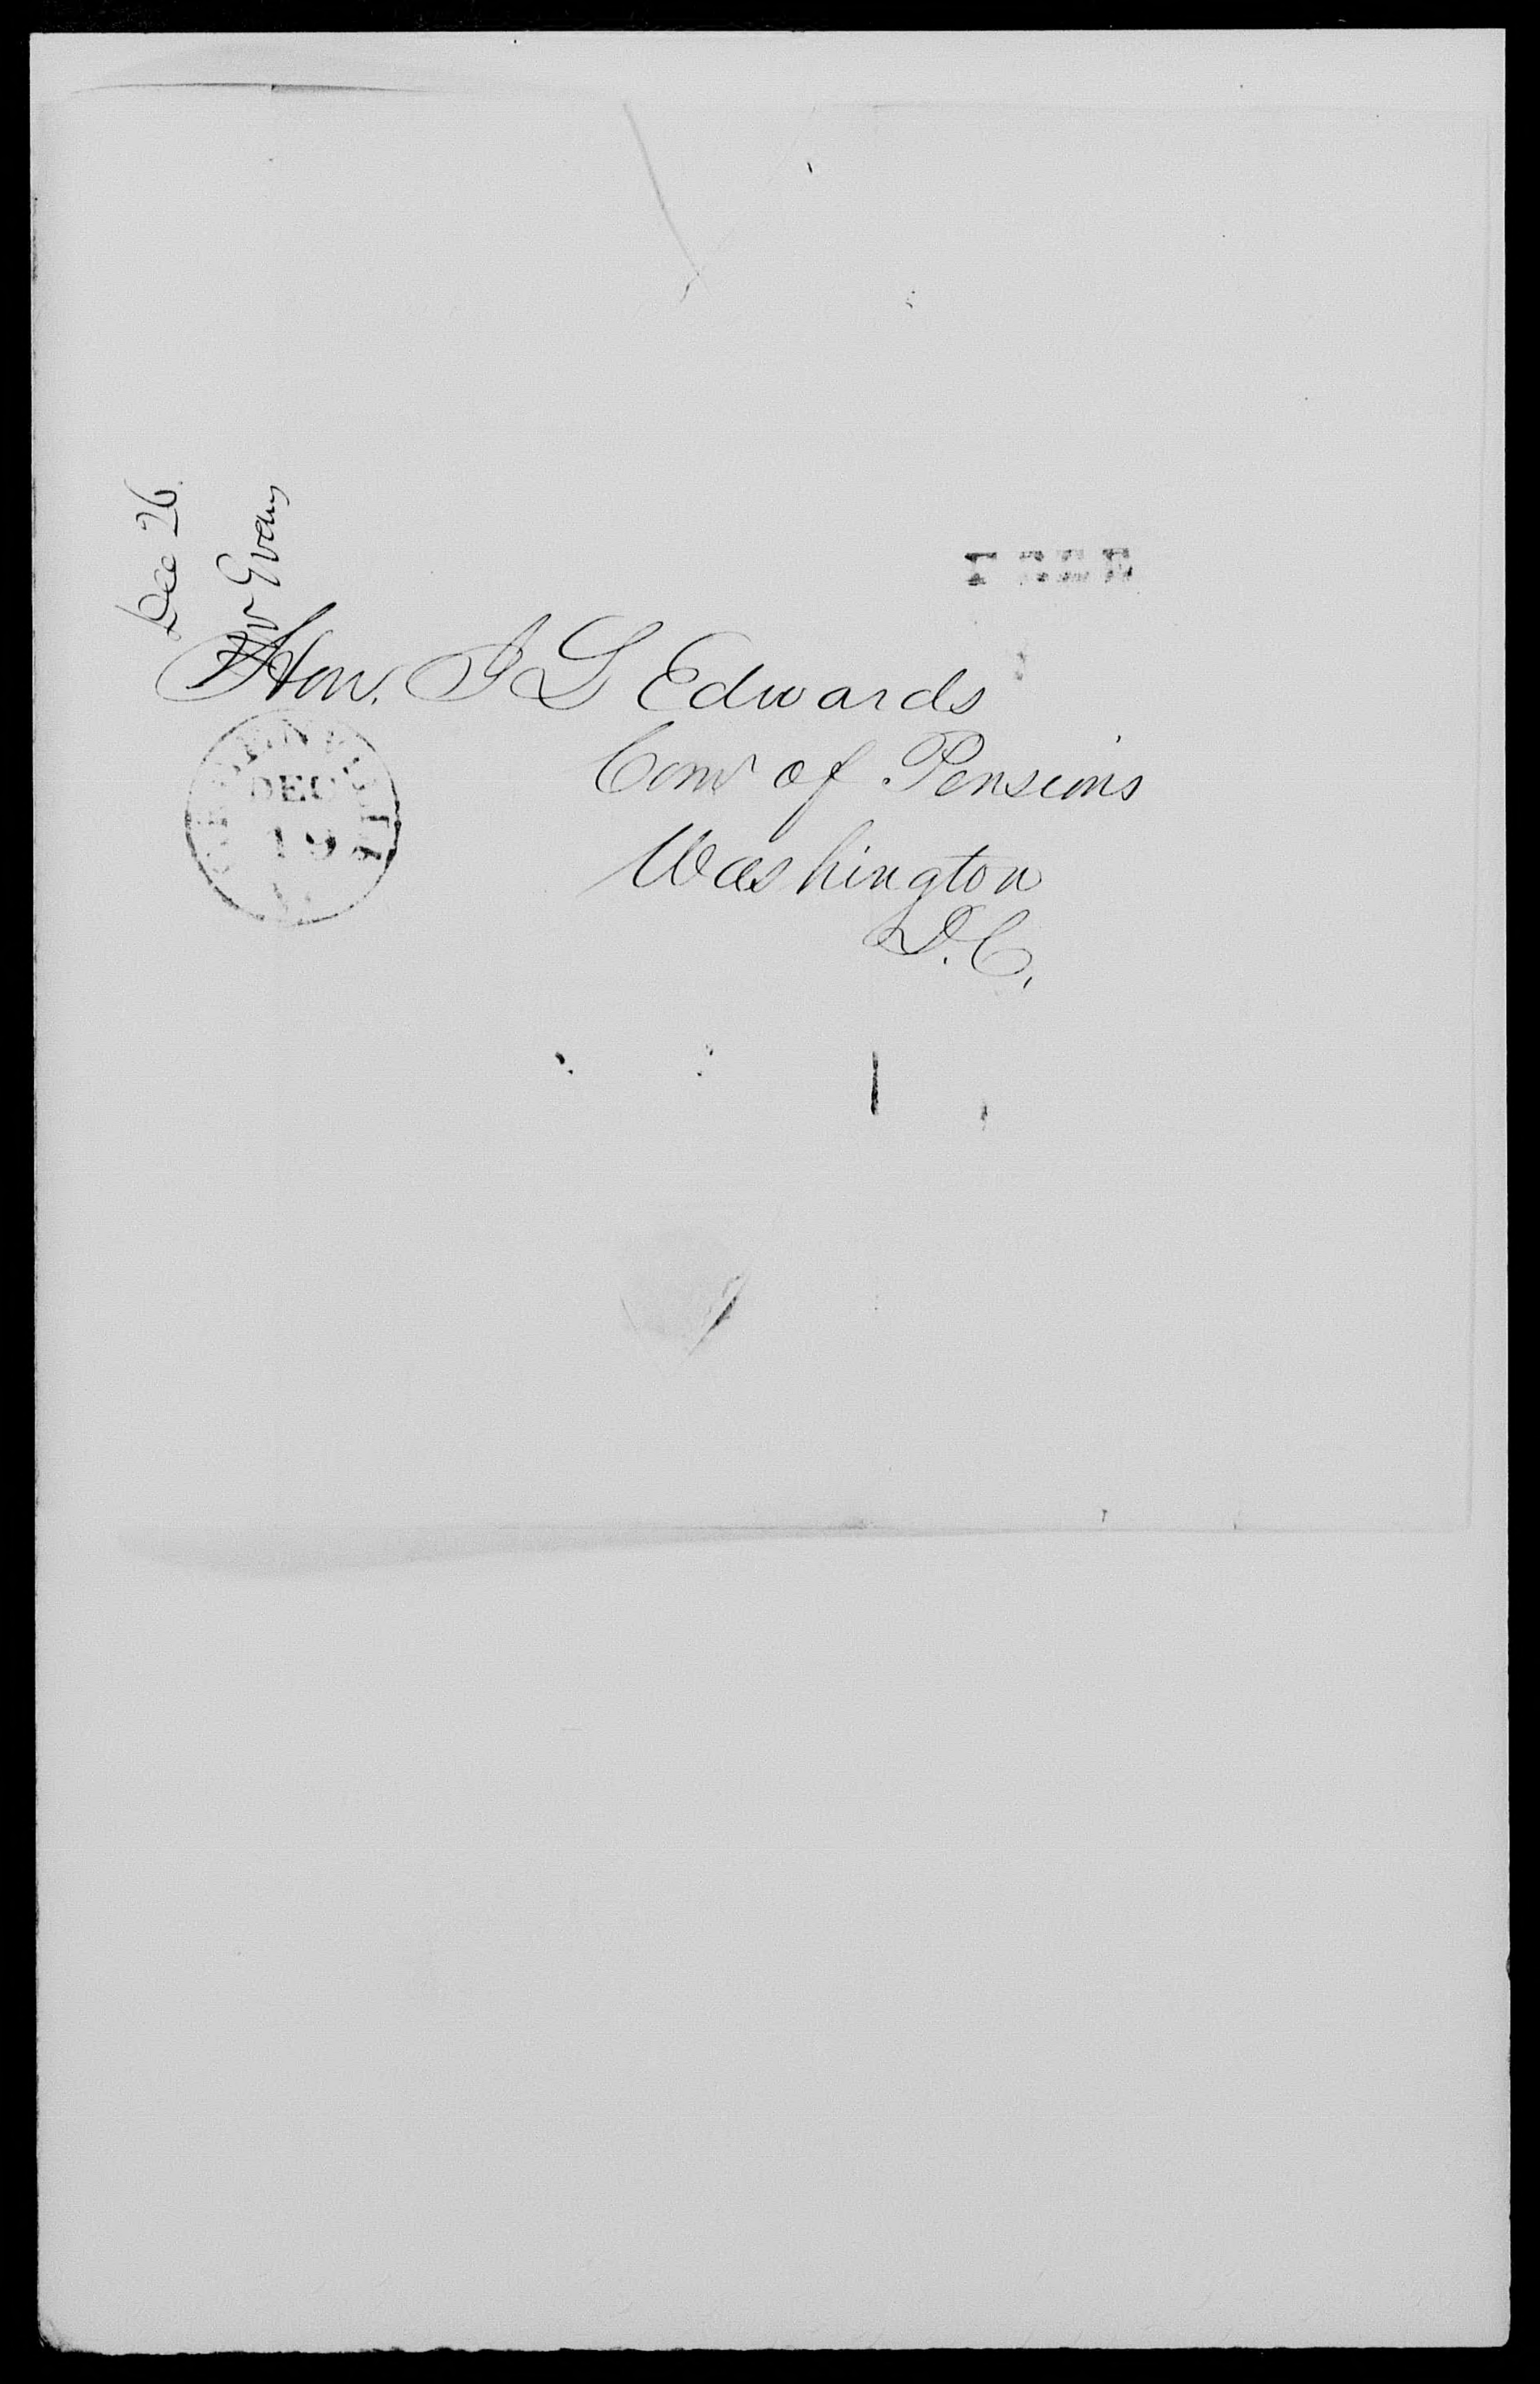Dec 26.
Mr [illegible]

[stamp: FREE]
Hone. J L Edwards
Comr of Pensions
Washington D.C.

[round stamp:
GREENVILLE 
DEC 19]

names: J L Edwards, Evans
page: 27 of 42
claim: survivor's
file: S. 6579, Henry Barnhill, N. C.